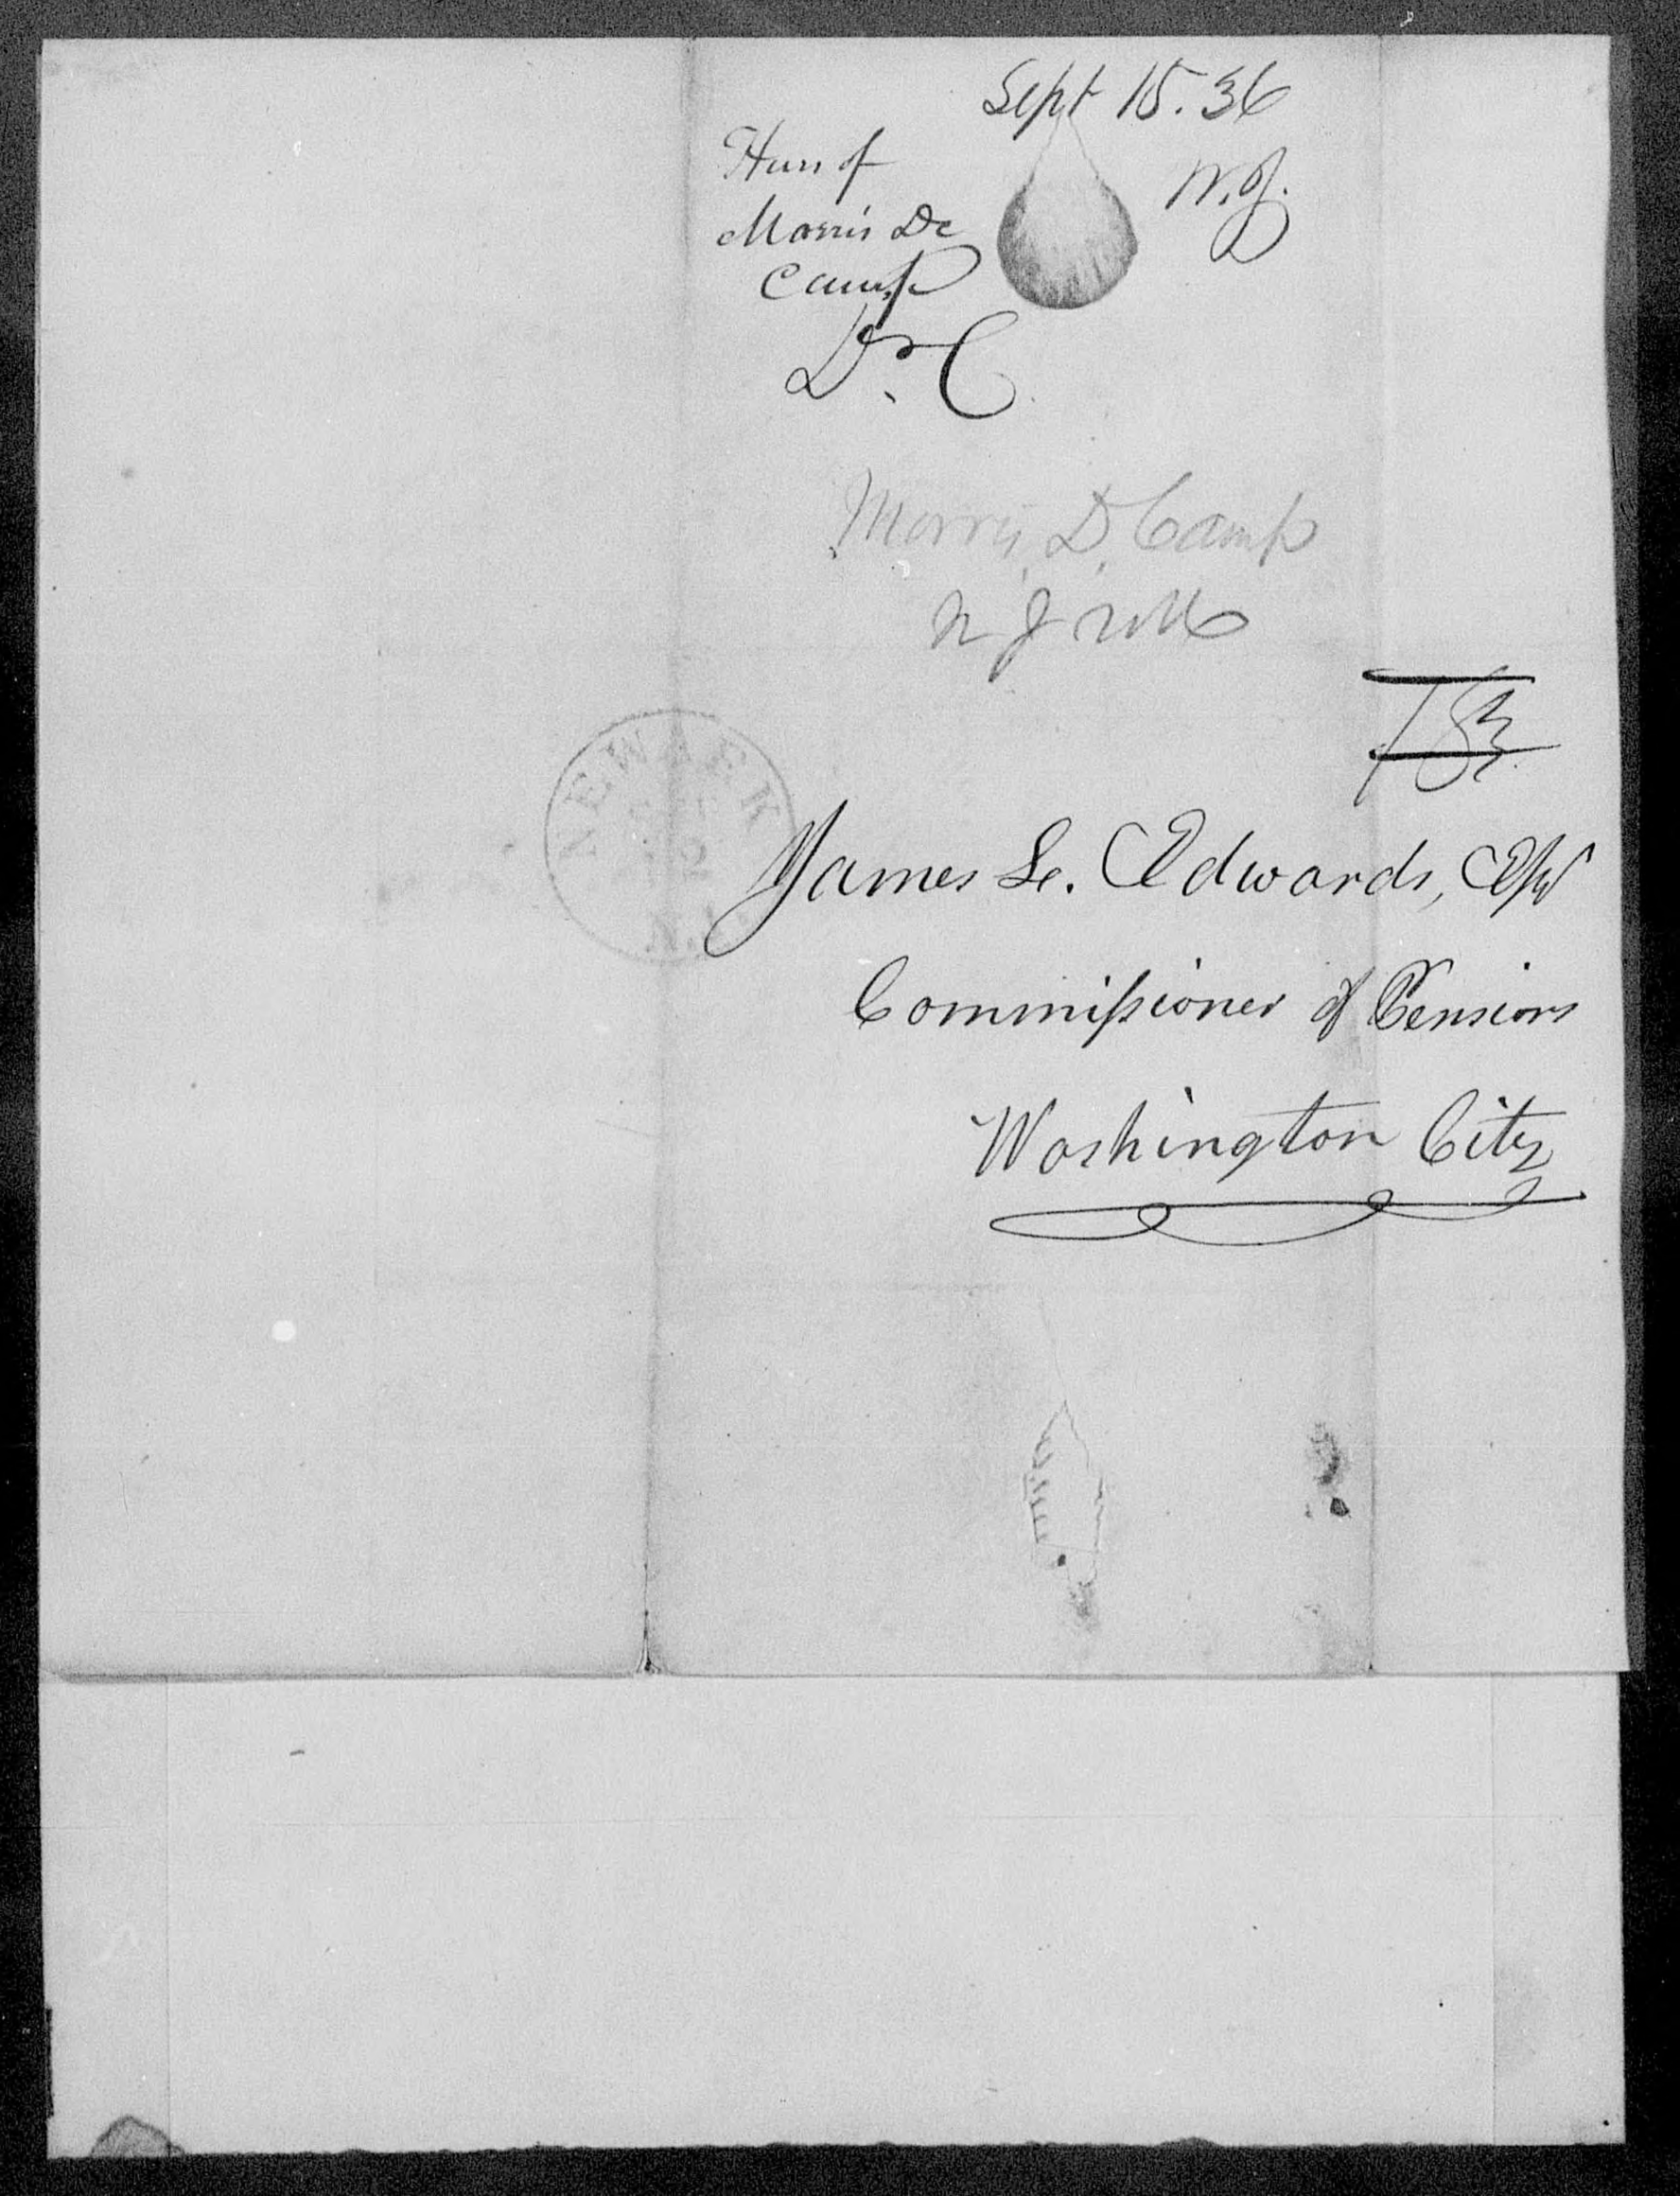Sept 15, 36
Hon of
Morris De Camp   N.J.
D.C.

Morris D Camp
N.J.  [illeg]
James L. Edwards, Esqr
Commisioner of Pensions
Washington City

[stamp]
NEWARK N.J. SEP 12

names: Morris De Camp, Morris D Camp, James L Edwards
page: 28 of 52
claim: survivor's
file: S. 34172, Morris D Camp, Continental (New Jersey)